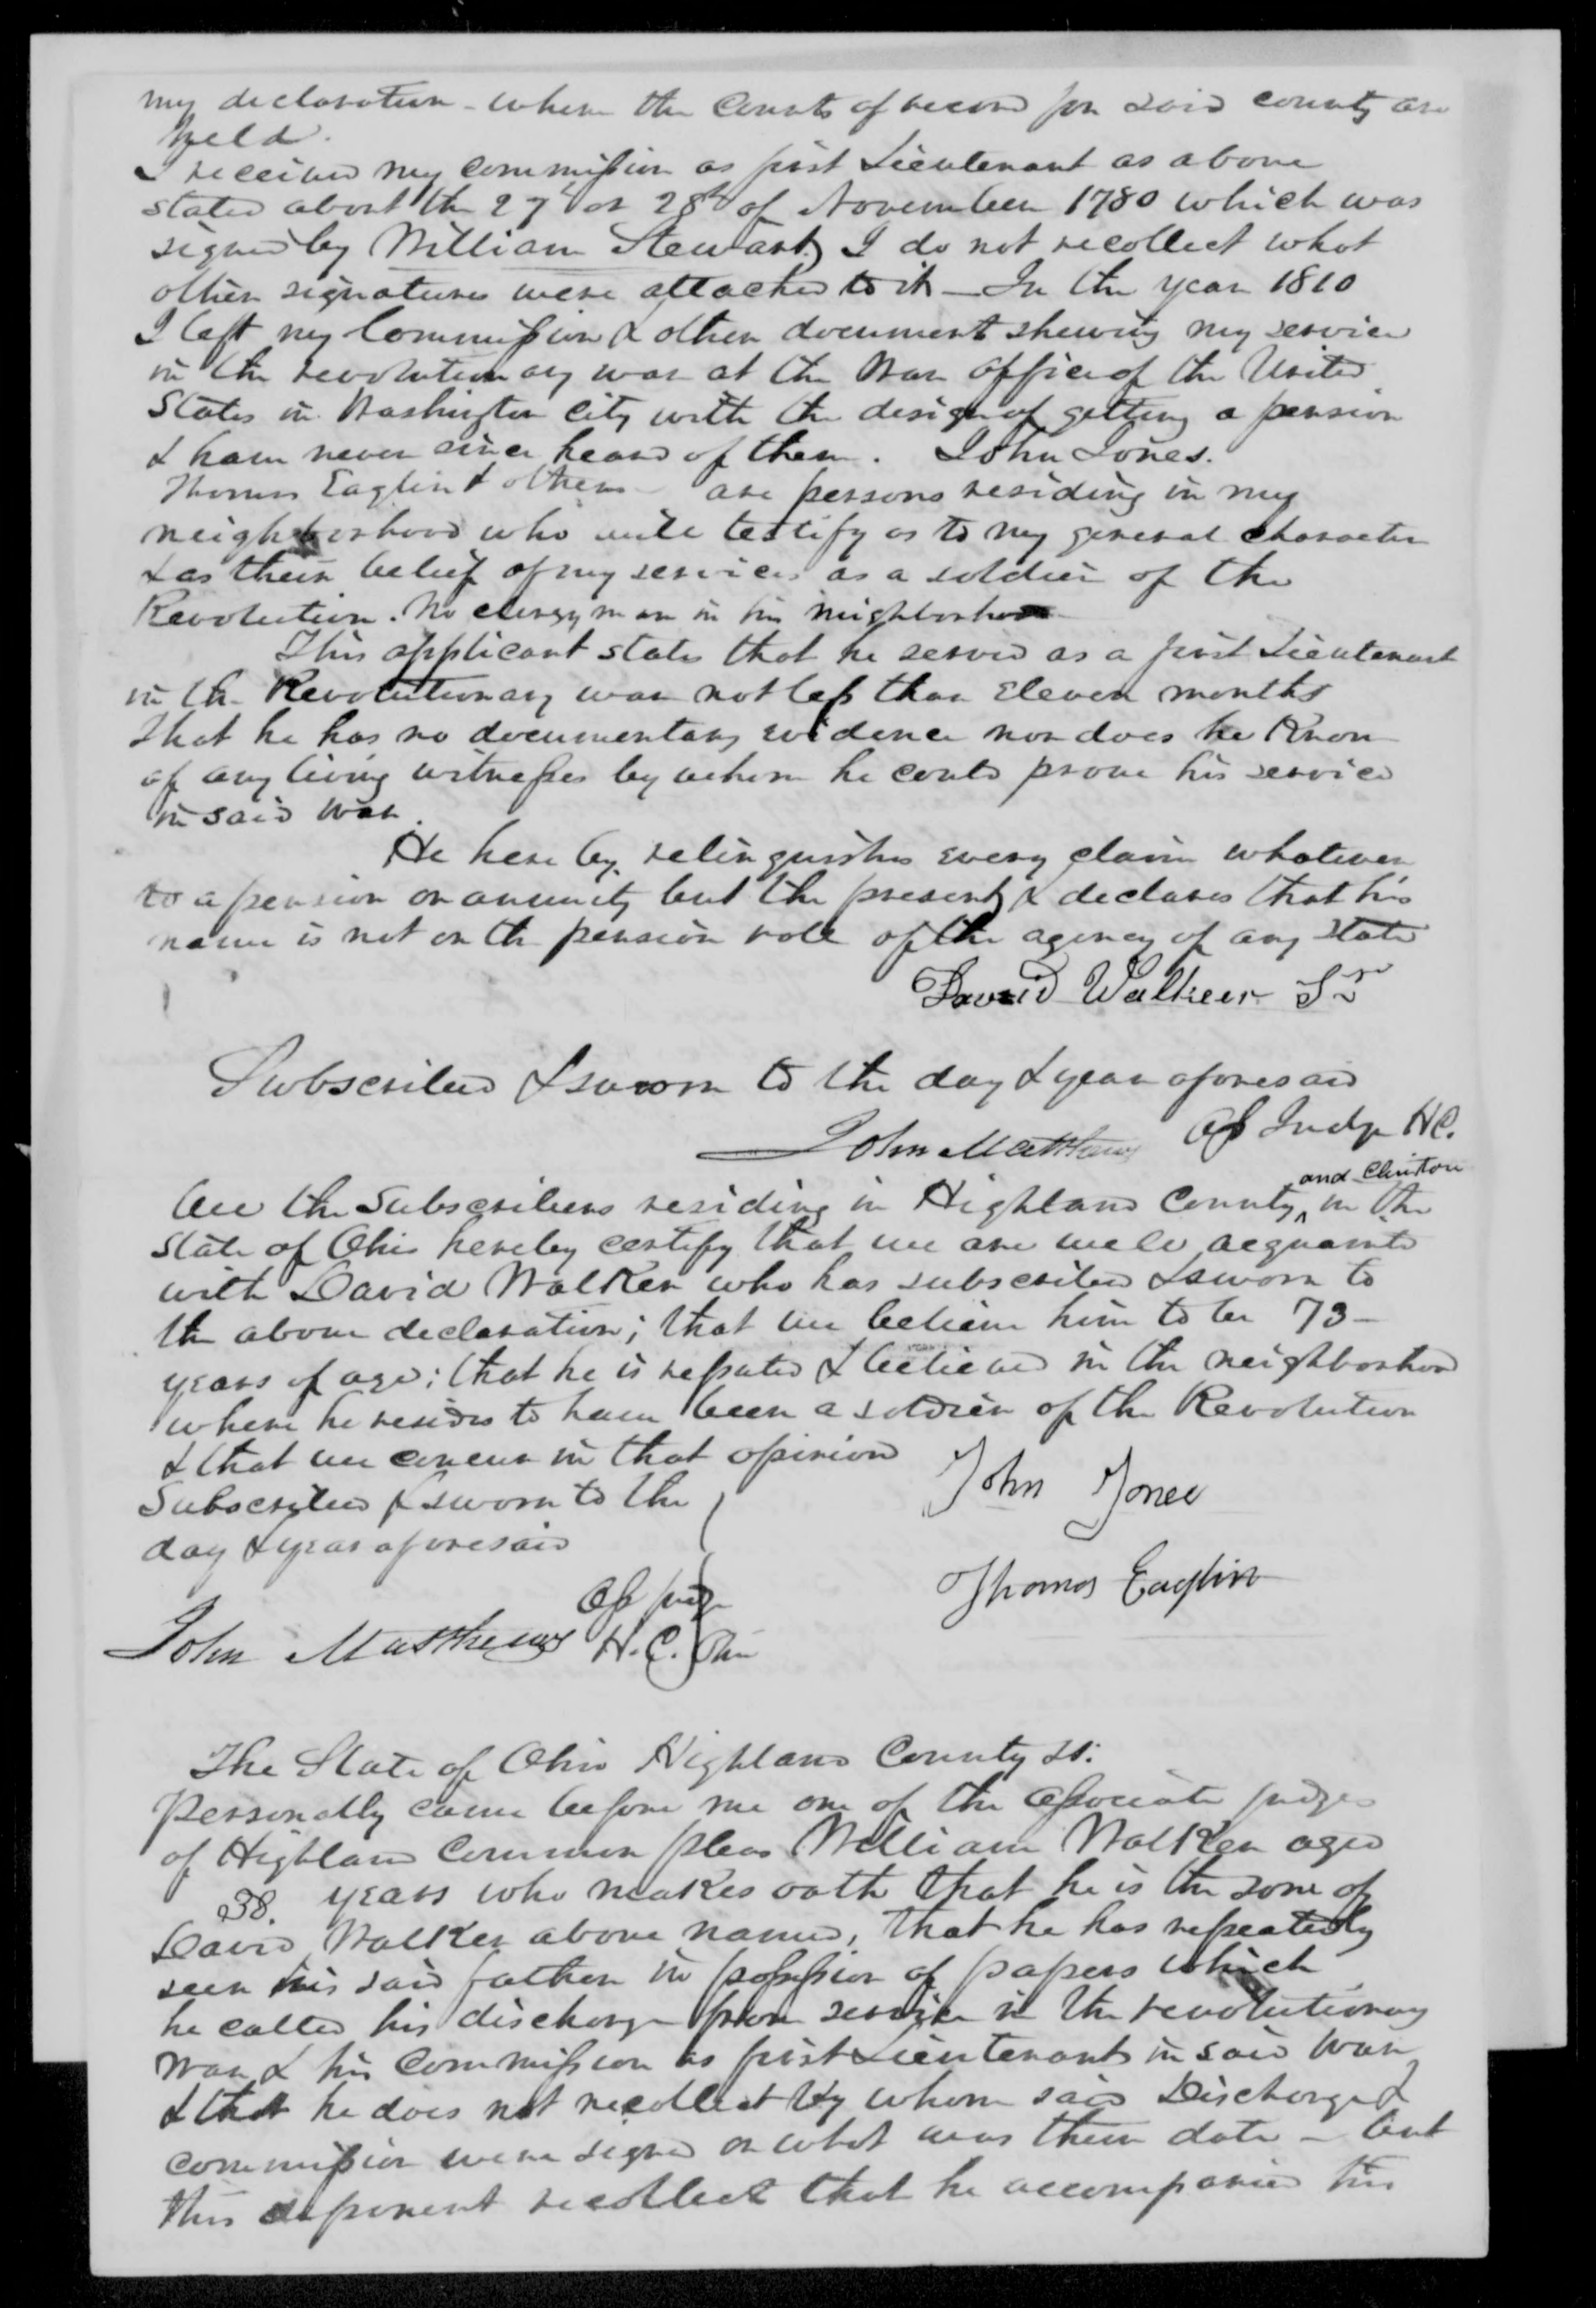my declaration when the Court of record for said county are held 
I received my commission as first Lieutenant as above stated about the 27 of 28th of November 1780 which was signed by William Stewart I do not recollect what other signature were attached to it. In the year 1810 I left my Commission & other document shewing my service in the revolutionary was at the War Office of the United States in Washington City with the design  getting a pension & have never since heard of them. John Jones, Thomas Eaglin & others are persons residing in my neighborhood who will testify as to my general character as their belief of my service as a soldier of the Revolution. No clergyman in his neighborhood
This applicant states that he served as a first Lieutenant in the Revolutionary was not less than eleven months that he has no documentary evidence nor does he know of any living witnesses by whom he could prove his service in said was.
He hereby relinquishes every claim whatever to a pension or annuity but the present & declares that his name is not on the pension roll of the agency of any State.
David Walker 
Subscribed & sworn to the day & year aforesaid
John Matthews, Associate Judge of Highland County 
We, the Subscribers residing in Highland County in the State of Ohio, hereby certify that we are well acquainted with David Walker who has subscribed & sworn to the above declaration; that he believe him to be 73 years of age; that he is reputed & believed in the neighborhood where he resides to have been a soldier of the Revolution & that we concur in that opinion.
Subscribed & sworn to the day & year aforesaid.
John Jones
John Matthew
Thomas Eagles

The State of Ohio 
Highland County
Personally came before me one of the associate Judge of Highland Common Pleas William Walker aged 38 years who makes oath that he is the son of David Walker above named, that he has repeatedly seen his said father in possession of papers which he called his discharge from service in the revolutionary War & his commission as first Lieutenant in said war & that he does not recollect by whom said Discharged commission were sign or what was then date—but this deponent recollect that he accompanied his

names: David Walkeer, John Jones, William Walker, David Walker, John Matthews, David Walker, John Jones, John Matthews, Thomas Eaglin, William Stewart, Thomas Eaglin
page: 10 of 37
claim: rejected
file: R. 11047, David Walker, N.C.